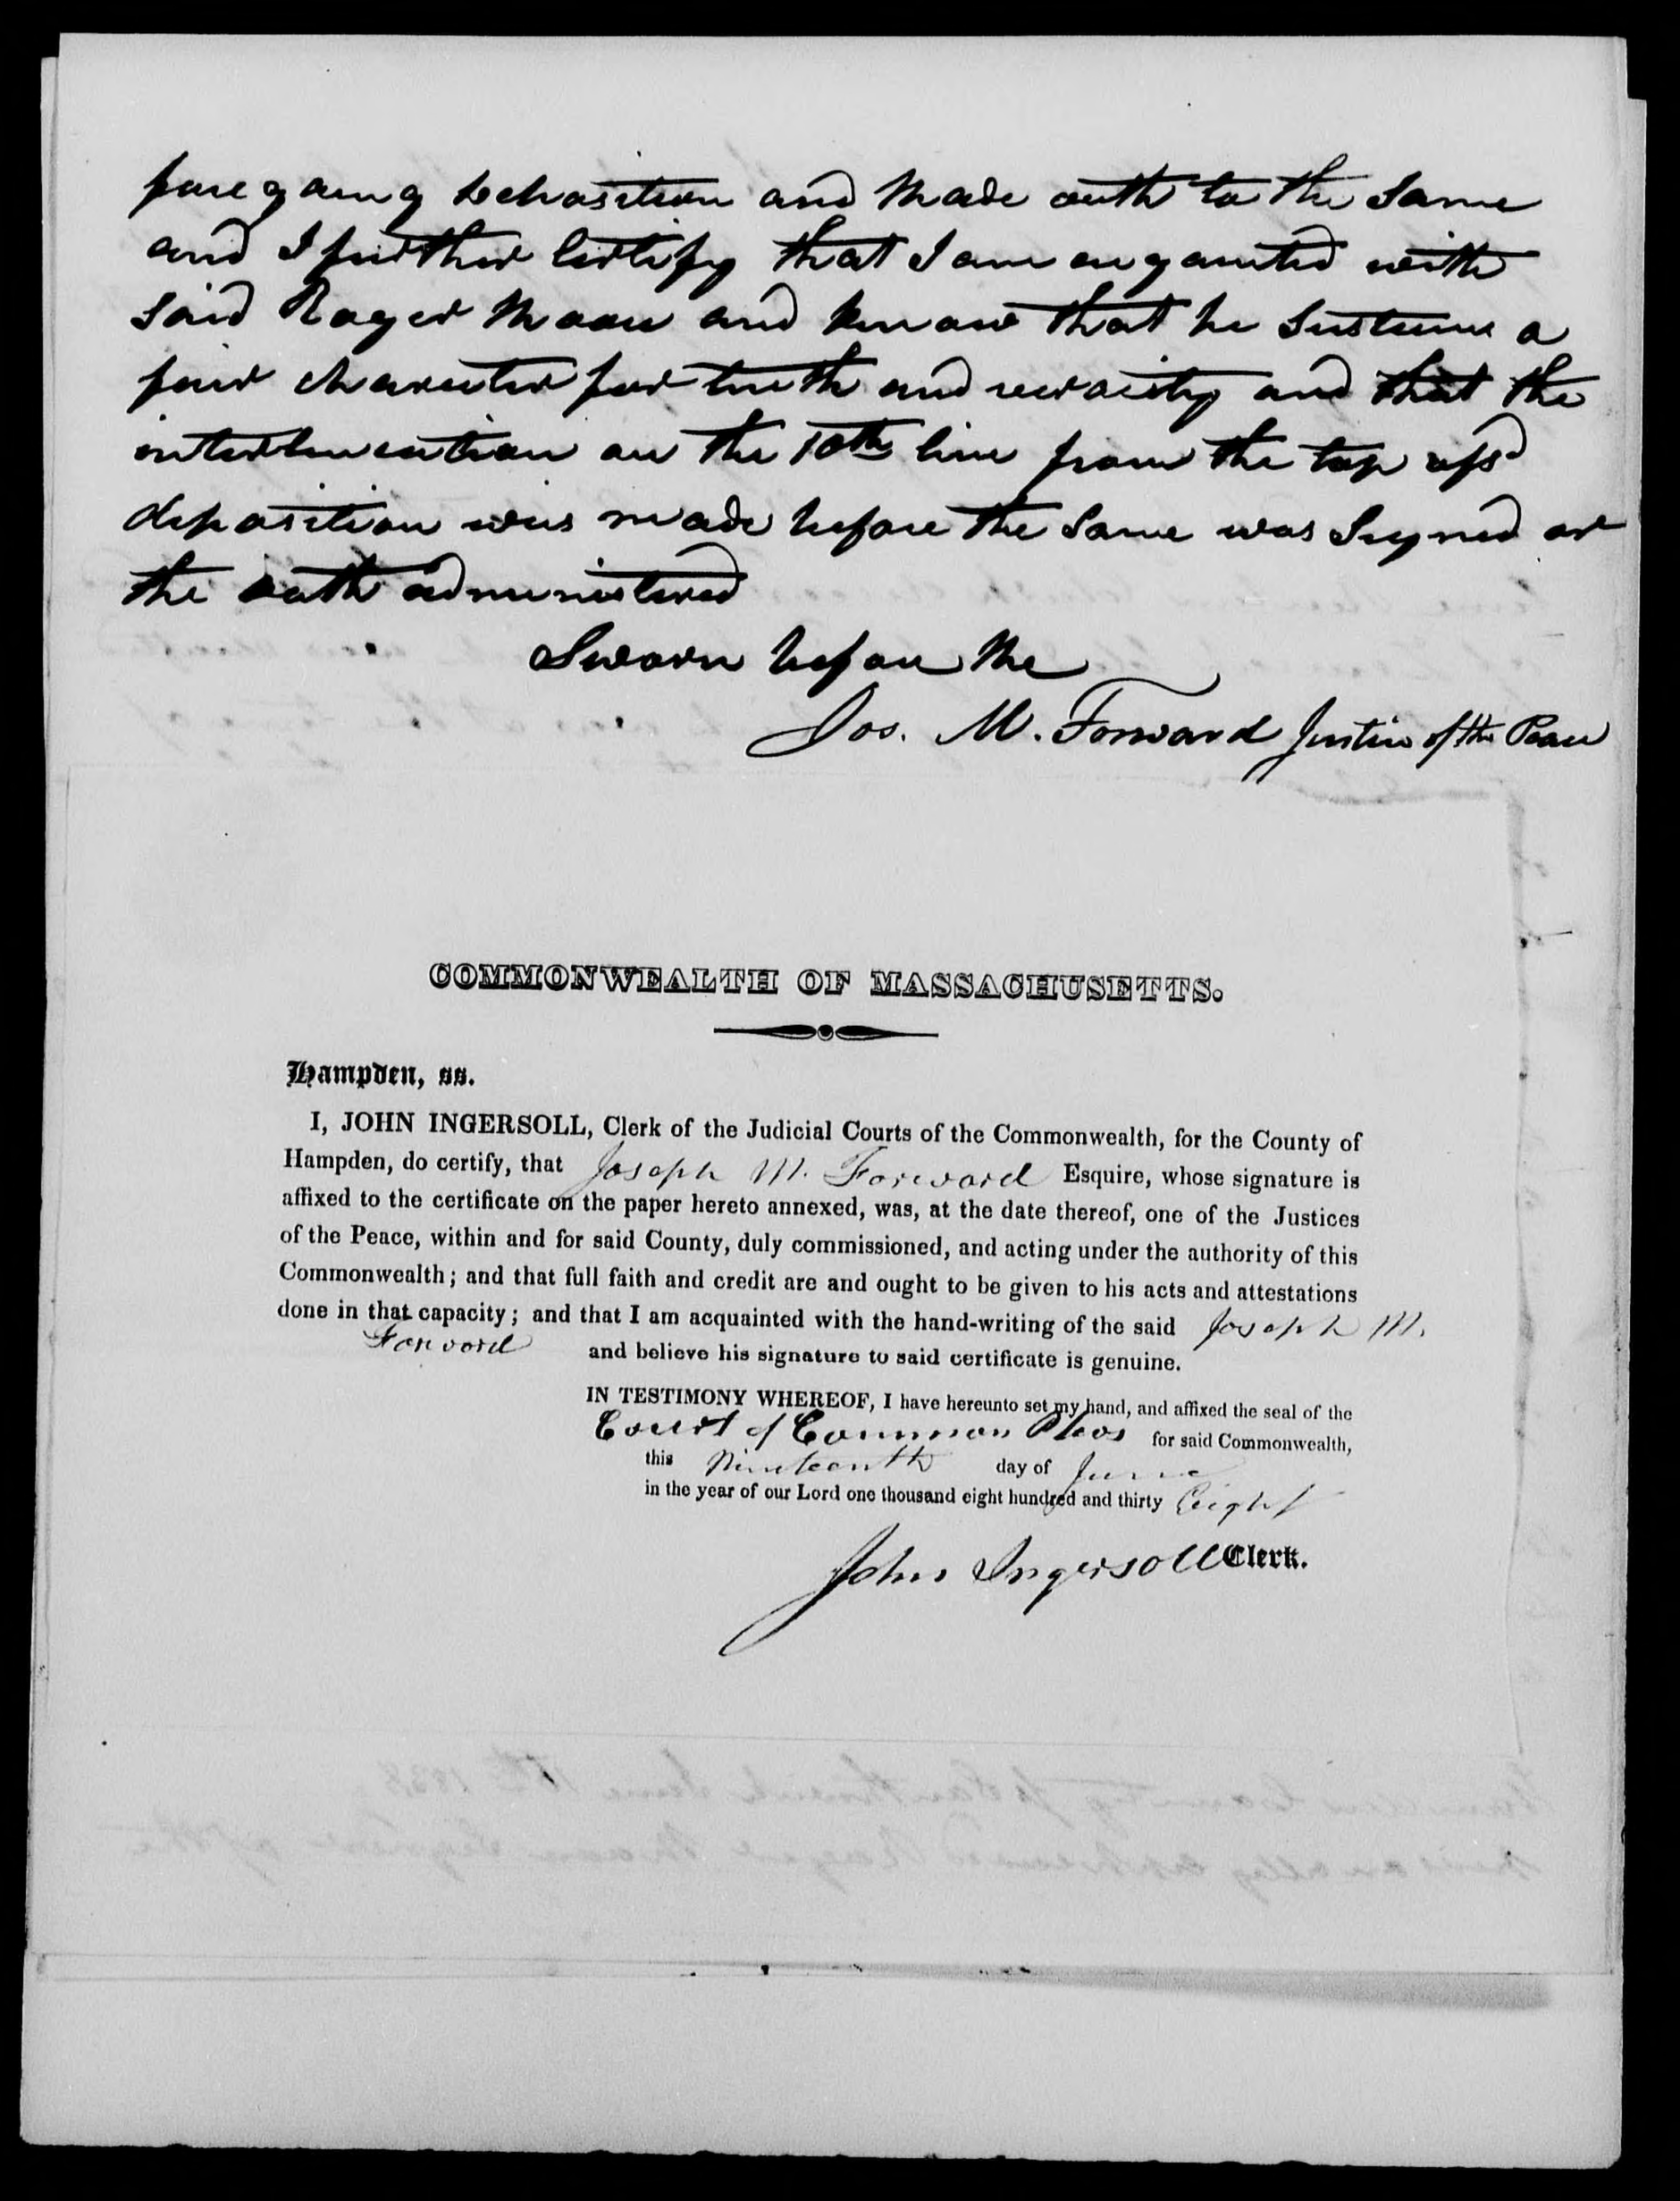[handwritten]
foregoing Deposition and Made oath to the Same and I further certify that I am acquainted with Said Roger Moore and know that he Sustains a fair character for truth and veracity and that the inter[illegible] on the 10th line from the top afs deposition was made before the Same was Signed and the oath administered.
Sworn before me
[signed] Jos. M Forward Justice of the Peace

[printed form completed in handwriting]
Commonwealth of Massachusetts.
Hampden, ss.

I, John Ingersoll, Clerk of the Judicial Courts of the Commonwealth, for the County of Hampden, do certify, that Joseph M. Forward Esquire,  whose signature is affixed to the certificate on the paper hereto annexed, was, at the date thereof, one of the Justices of the Peace, within and for said County, duly commissioned, and acting under the authority of this Commonwealth; and that full faith and credit are and ought to be given to his acts and attestations done in that capacity; and that I am acquainted with the hand-writing of the said Joseph W. Forward and believe his signature to said certificate is genuine. 

In testimony whereof, I havehereunto set my hand, and affixed the seal of the Court of Common Pleas for said Commonwealth, this Nineteenth day of June in the year of our Lord one thousand eight hundred and thirty Eight.
[signed] John Ingersoll Clerk.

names: Roger Moore, Joseph M Forword, John Ingersoll, Joseph M Forward, Jos M Forward, John Ingersoll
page: 20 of 26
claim: widow's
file: W. 14483, Reuben Clark, Conn.